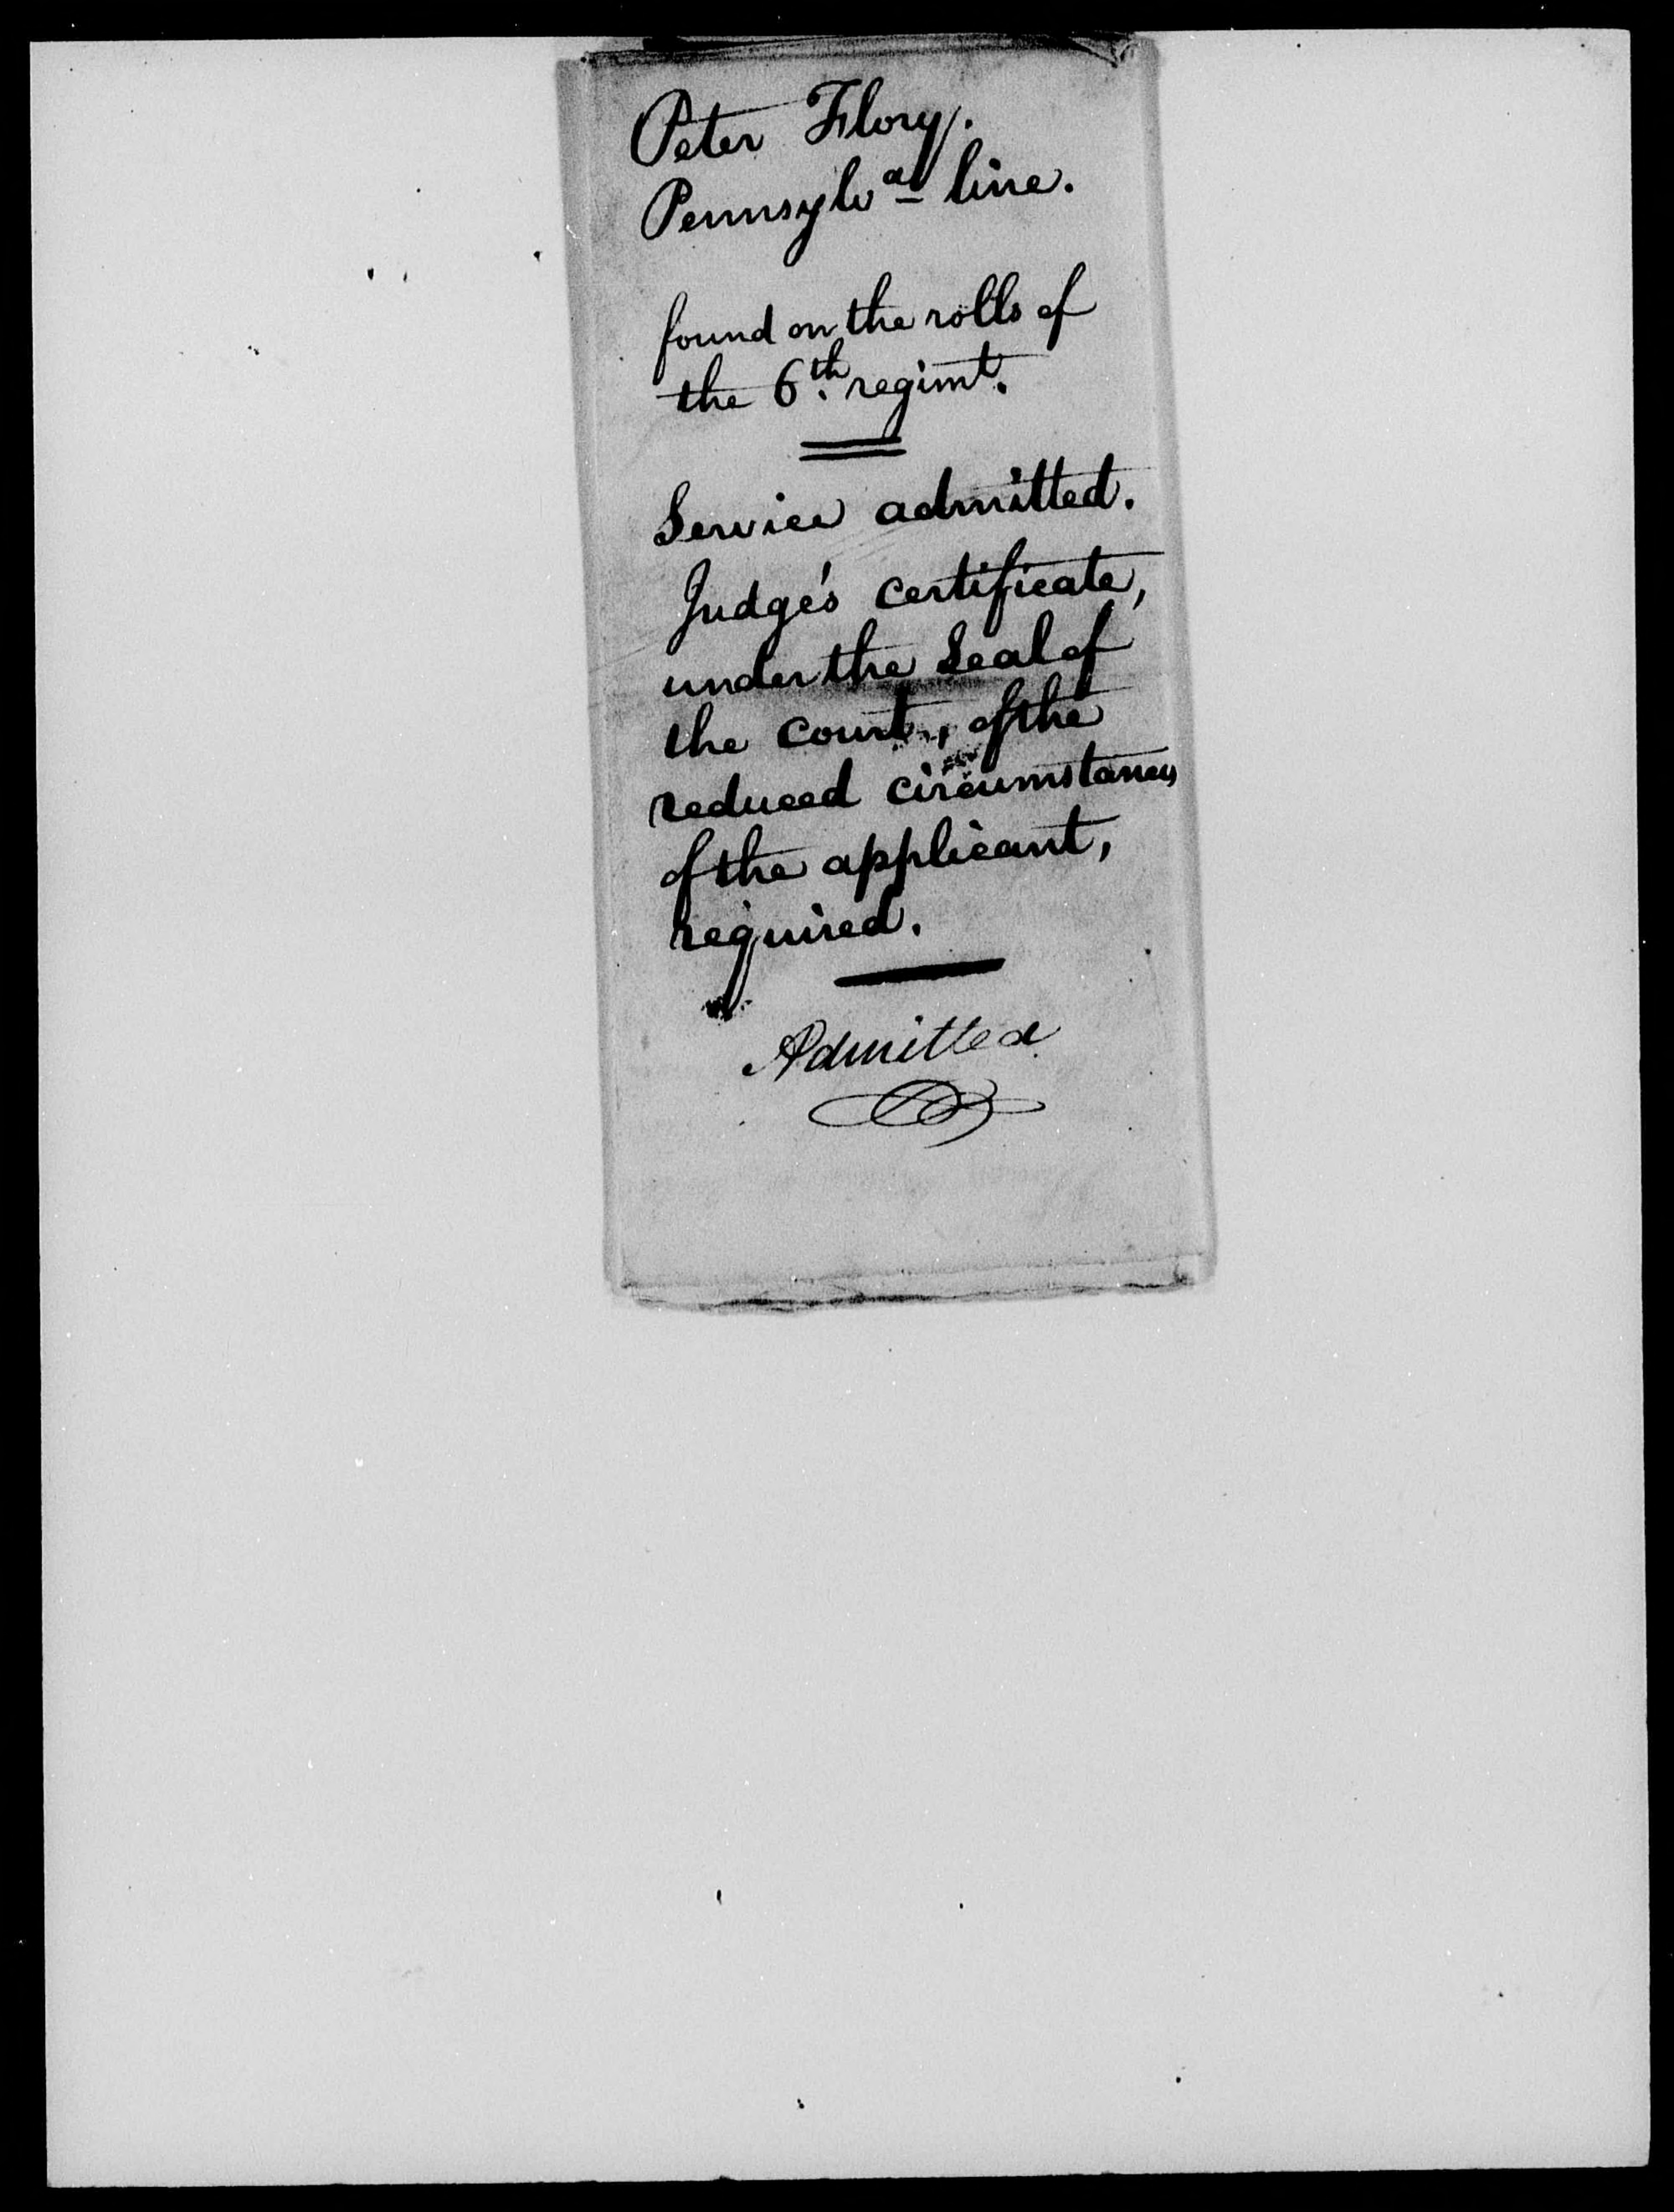Peter Flory.
Pennsylva_ line.
found on the rolls of the 6th regimt.

Service admitted.
Judge's certificate, under the Seal of the court of the reduced circumstances of the applicant, required.
____________________
Admitted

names: Peter Flory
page: 5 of 11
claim: survivor's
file: S. 42,197, Peter Flory, Penn.